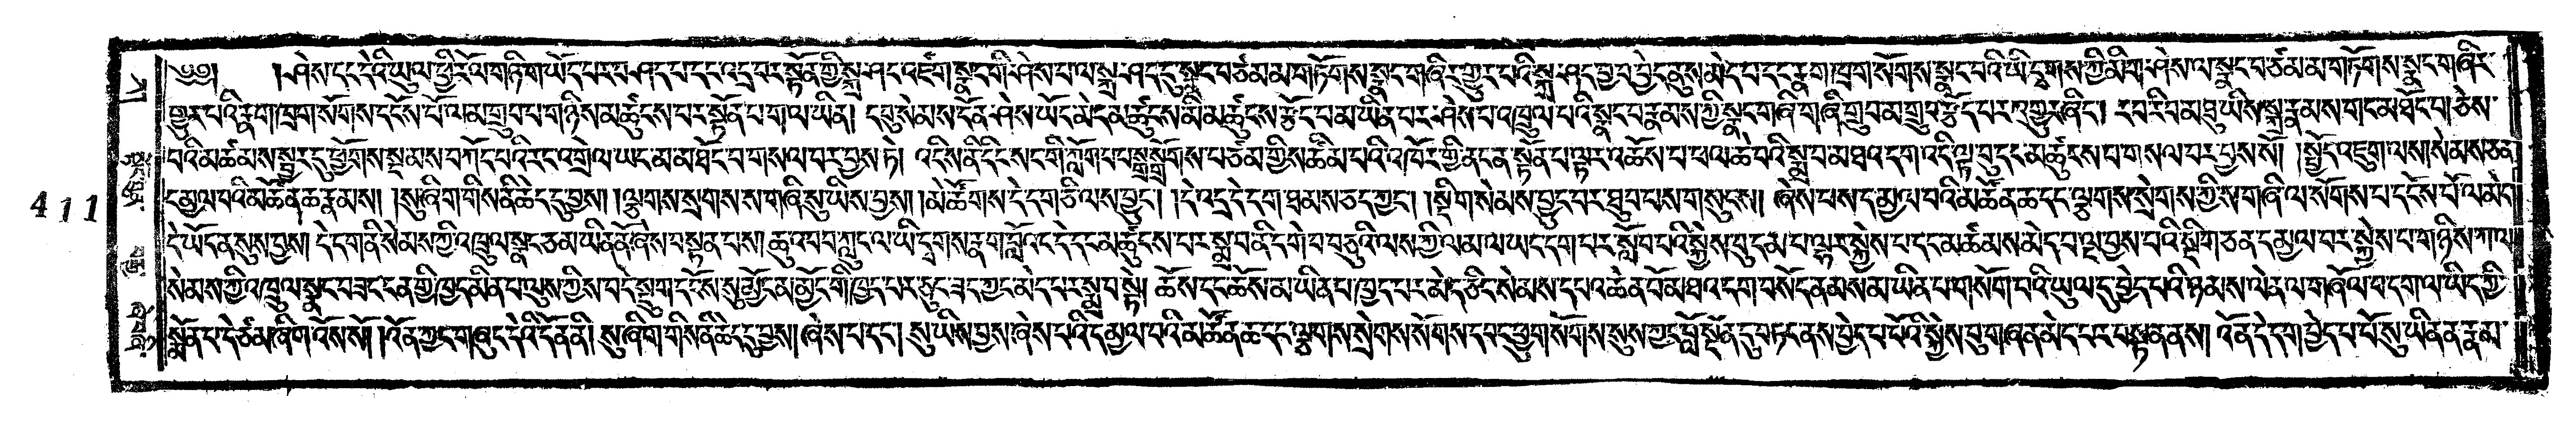༄༅། །ཤེས་དང་དེའི་ཡུལ་ཕྱི་རོལ་གཉི་ག་ཡོད་པར་བཤད་པ་དང་འདྲ་བར་སྟོན་གྱི་སྐྲ་ཤད་འཇིག་?་སྣང་གི་ཤེས་པ་ལ་སྐྲ་ཤད་དུ་སྣང་བ་ཙམ་མ་གཏོགས་སྣང་གཞིར་གྱུར་པའི་སྐྲ་ཤད་བྱ་བ་བྱེད་ནུས་མེད་པ་དང་རྣག་ཁྲག་སོགས་སྣང་བའི་ཡི་དགས་ཀྱི་མིག་ཤེས་ལ་སྣང་བ་ཙམ་མ་གཏོགས་སྣང་གཞིར་
གྱུར་པའི་རྣག་ཁྲག་སོགས་དངོས་པོ་ལ་མ་གྲུབ་པ་གཉིས་མཚུངས་པར་སྟོན་པ་ག་ལ་ཡིན། དབུ་སེམས་དོན་ཤེས་ཡོད་མེད་མཚུངས་མི་མཚུངས་རྩོད་བམ་ཡིན་པར་ཤེས་པ་འཁྲུལ་པའི་སྣང་བ་རྣམས་ཀྱི་སྣང་གཞི་གཞི་གྲུབ་མ་གྲུབ་རྩོད་པར་འགྱུར་ཞིང་། རབ་རིབ་མཐུ་ཡིས་སྐྲ་རྣམས་གང་མཐོང་བ། ཅེས་
བའི་མཚམས་སྦྱར་དུ་ཕྱོགས་སྔ་མས་བཀོད་པའི་རང་འགྲེལ་ཡང་མ་མཐོང་བ་གསལ་བར་བྱས་ཏེ། འདིས་ནི་དིང་སང་གི་ཀློག་པ་པ་སྒྲ་སྒྲོགས་པ་ཙམ་གྱིས་ཚིམ་པའི་འཁོར་གྱི་ནང་ན་སྟོན་པ་ལྟར་འཆོས་པ་ཕལ་ཆེ་བའི་སྨྲ་བ་མཐའ་དག་འདི་ལྟ་བུ་དང་མཚུངས་པ་གསལ་བར་བྱས་སོ། །སྤྱོད་འཇུག་ལས། སེམས་ཅན་
དམྱལ་བའི་མཚོན་ཆ་རྣམས། །སུ་ཞིག་གིས་ནི་ཆེད་དུ་བྱས། །ལྕགས་སྲགས་ས་གཞི་སུ་ཡིས་བྱས། །མེ་ཚོགས་དེ་དག་ཅི་ལས་བྱུང་། །དེ་འདྲ་དེ་དག་ཐམས་ཅད་ཀྱང་། །སྡིག་སེམས་བྱུང་བར་ཐུབ་པས་གསུངས། ཞེས་པས་དམྱལ་བའི་མཚོན་ཆ་དང་ལྕགས་སྲེགས་ཀྱིས་གཞི་ལ་སོགས་པ་དངོས་པོ་ལ་མེད་
དེ་ཡོད་ན་སུས་བྱས། དེ་དག་ནི་སེམས་ཀྱི་འཁྲུལ་སྣང་ཙམ་ཡིན་ནོ་ཞེས་བསྟན་པས། ཆུ་འབབ་ཀླུང་ལ་ཡི་དྭགས་རྣག་བློའང་དེ་དང་མཚུངས་པར་སྨྲ་བ་ནི་དགེ་བ་བཅུའི་ལས་ཀྱི་ལམ་ལ་ཡང་དག་པར་སློབ་པའི་སྐྱེས་བུ་དམ་པ་ལྷར་སྐྱེས་པ་དང་མཚམས་མེད་པ་ལྔ་བྱས་པའི་སྡིག་ཅན་དམྱལ་བར་སྐྱེས་པ་གཉིས་ཀ་ལ་
སེམས་ཀྱི་འཁྲུལ་སྣང་བཟང་ངན་གྱི་ཁྱད་མིན་པ་ལུས་ཀྱིས་བདེ་སྡུག་དངོས་སུ་མྱོང་མ་མྱོང་གི་ཁྱད་པར་ཅུང་ཟད་ཀྱང་མེད་པར་སྨྲ་བ་སྟེ། ཆོས་དང་ཆོས་མ་ཡིན་པ་ཁྱད་པར་མེད་ཅིང་སེམས་དཔའ་ཆེན་པོ་མཐའ་དག་བསོད་ནམས་མ་ཡིན་པ་གསོག་པའི་ཡུལ་དུ་བྱེད་པའི་ཉམས་ལེན་ལ་གཞོལ་བ་དག་ལ་ཡིད་ཀྱི་
སྨོན་བདེ་ཙམ་ཞིག་འོས་སོ། །འོན་ཀྱང་གཞུང་དེའི་དོན་ནི། སུ་ཞིག་གིས་ནི་ཆེད་དུ་བྱས། ཞེས་པ་དང་། སུ་ཡིས་བྱས་ཞེས་པའི་དམྱལ་བའི་མཚོན་ཆ་དང་ལྕགས་སྲེགས་སོགས་དབང་ཕྱུག་སོགས་སུས་ཀྱང་བློ་སྔོན་དུ་བཏང་ནས་བྱེད་པ་པོའི་སྐྱེས་བུ་གཞན་མེད་པར་བསྟན་ནས། འོན་དེ་དག་བྱེད་པ་པོ་སུ་ཡིན་ན་རྣམ་